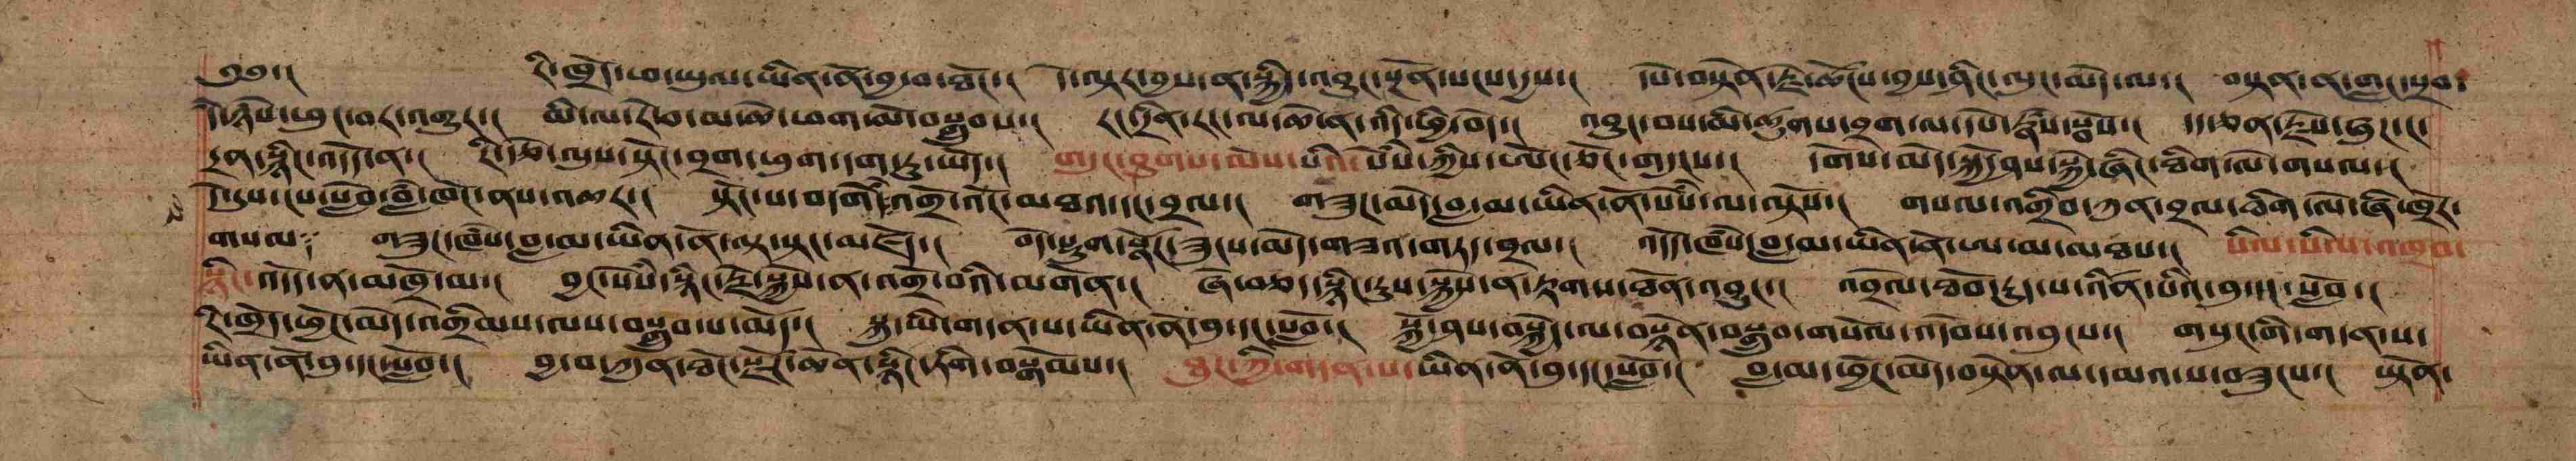༄༅། །རི་ཁྲོད་ཕ་ཡུལ་ཡིན་ནོ་བྱ་བ་ཐོང་། དེ་ལྟར་བྱས་ན་སྐྱིད་འབྱུང་སྔོན་སངས་རྒྱས། དཔེ་བསྟེན་རྗེ་ཚོངས་བྱས་ཤིང་ལུང་མེད་ལ། བསྟན་ན་གླང་སྲབ་
དེ་ཉམས་ཕུང་བར་འགྱུར། མི་ལ་རེ་བ་མ་ཆེ་ཕག་མོ་བསྒྲུབས་། རང་དྲིན་རང་ལ་ཆེ་ན་འདི་ཕྱི་བདེ། འབྱུང་བས་མི་ཚུགས་བྲག་ལ་དཔེ་རྣམས་སྦོས་། དད་ཅན་རྗེས་ཞུགས་ང་
དྲན་སྙིང་འདོད་ན། རི་རྩེ་ལུས་སྟོང་བྲག་ཕུག་དག་ཏུ་ཡོད། གདུང་ཤུགས་མོས་པའི་སེམས་ཀྱིས་ཨོང་ཅོང་གདུངས་། དགོས་མེད་སྐྱོ་ཤས་སྐྱེ་ཞིང་ཐིག་ལེ་གསལ། 
དེ་དུས་ངས་སློབ་བླ་མ་ཁོང་ནས་འཆར་། སྟོང་པ་བདག་མེད་འགྲོ་འོང་མཐའ་དང་བྲལ། གཟུགས་མེད་བླ་མ་ཡིན་ནོ་སེམས་ལ་ལྟོས། གསལ་འགྲིབ་ཀུན་བྲལ་ཐིག་ལེ་ཞི་ཁྲོར་
གསལ༑ གཟུགས་ཁམས་བླ་མ་ཡིན་ནོ་ལྟ་སྟང་མཛོད། བདེ་སྡུག་སྣ་ཚོགས་ཟུངས་མེད་གཟའ་གཏད་བྲལ། འདོད་ཁམས་བླ་མ་ཡིན་ནོ་ཨ་མ་མཐས། སིལ་སིལ་འཁྲབ་
སྙིང་འདོད་ན་མཁའ་འགྲོ་མ་། བྱང་སེམས་སྙིང་རྗེ་སྐྱེས་ན་འགྲོ་བའི་མགོན། ཞེ་བཅད་སྙིང་རུས་སྐྱེས་ན་རྟགས་ཐོན་འབྱུང་། འབྲེལ་ཐོབ་དྱུད་པ་འཛིན་པའི་བུ་དང་སློབ། 
རི་ཁྲོད་ཕྱོགས་མེད་འགྲིམས་ལས་བསྒྲུབ་པ་མཛོད། སྐུ་ཡི་གདན་ས་ཡིན་ནོ་བུ་དང་སློབ། སྐྱོ་ཤས་བསྐྱེད་ལ་བསྙེན་བསྒྲུབ་གསོལ་འདེབས་འབུངས་། གསུང་གི་གདན་ས་
ཡིན་ནོ་བུ་དང་སློབ། བྱ་བ་ཀུན་ཐོང་རྫོགས་ཆེན་སྙིང་ཏིག་བསྒོམས་། ཐུགས་ཀྱི་གདན་ས་ཡིན་ནོ་བུ་དང་སློབ། བླ་མ་ཕྱོགས་མེད་བསྟེན་ལ་དམའ་ས་བཟུངས་། ཡོན་ཏན་